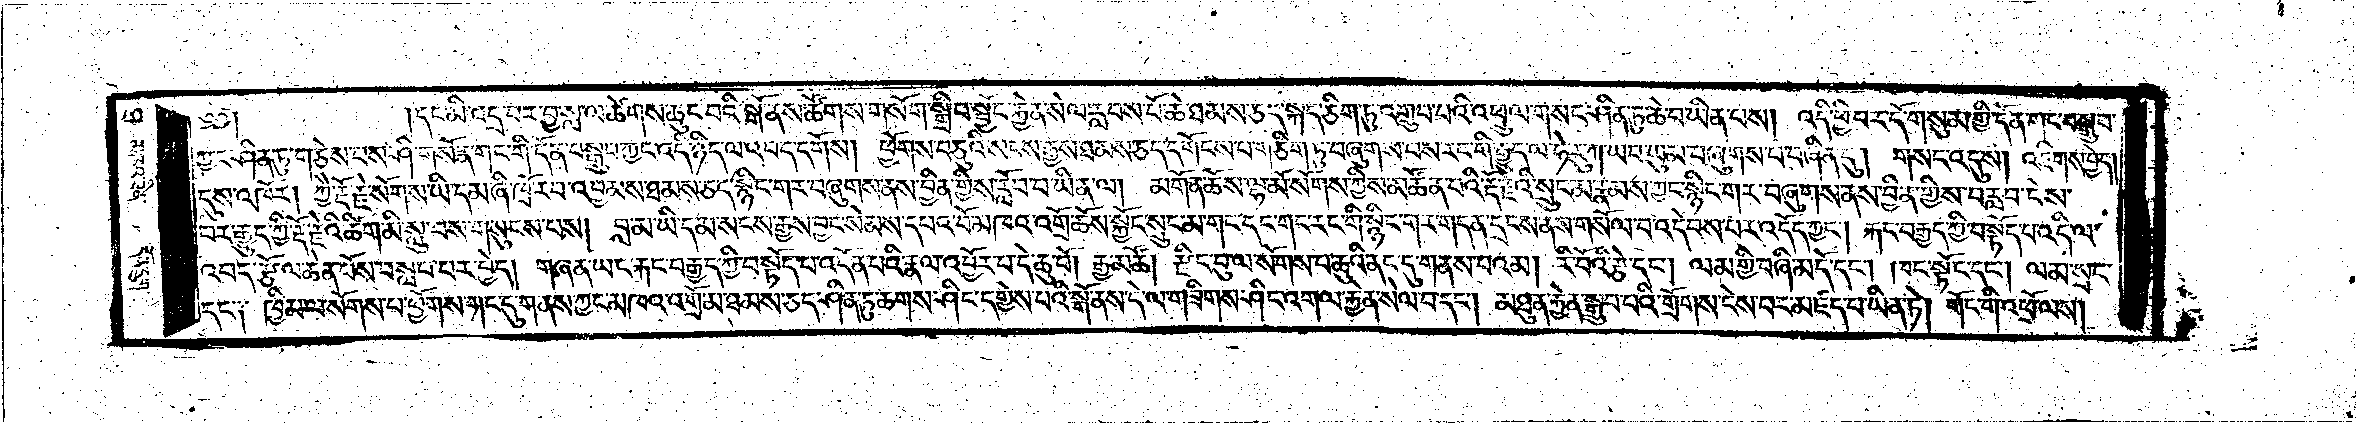༄༅། །དང་མི་འདྲ་བར་བྱ་སླ་ལ་ཚེགས་ཆུང་བའི་སྒོ་ནས་ཚོགས་གསོག་སྒྲིབ་སྦྱོང་རྐྱེན་སེལ་རླབས་པོ་ཆེ་ཐམས་ཅད་སྐད་ཅིག་ཏུ་འགྲུབ་པའི་འཕྲུལ་གསང་ཤིན་ཏུ་ཆེ་བ་ཡིན་པས། འདི་ཕྱིར་བར་དོ་གསུམ་གྱི་དོན་གང་བསྒྲུབ་
ཀྱང་ཤིན་ཏུ་གཅེས་པས་ཤི་གསོན་གང་གི་དོན་བསྒྲུབ་ཀྱང་འདི་ཉིད་ལ་འབད་དགོས། ཕྱོགས་བཅུའི་སངས་རྒྱས་ཐམས་ཅད་དགོངས་པ་གཅིག་ཏུ་བཞུགས་པས་རང་གི་རྒྱུད་ལ་ཧེ་རུ་ཀ་ཡབ་ཡུམ་བཞུགས་པ་བཞིན་དུ། གསང་འདུས། འཇིགས་བྱེད།
དུས་འཁོར། ཀྱཻ་རྡོ་རྗེ་སོགས་ཡི་དམ་ཞི་ཁྲོ་རབ་འབྱམས་ཐམས་ཅད་སྙིང་གར་བཞུགས་ནས་བྱིན་གྱིས་རློབ་བ་ཡིན་ལ། མགོན་ཆོས་ལྷ་མོ་སོགས་ཀྱིས་མཚོན་པའི་རྡོ་རྗེའི་སྲུང་མ་རྣམས་ཀྱང་སྙིང་གར་བཞུགས་ནས་བྱིན་གྱིས་བརླབ་ངེས་
པར་རྒྱུད་ཀྱི་རྡོ་རྗེའི་ཚིག་མི་སླུ་བས་གསུངས་པས། བླ་མ་ཡི་དམ་སངས་རྒྱས་བྱང་སེམས་དཔའ་བོ་མཁའ་འགྲོ་ཆོས་སྐྱོང་སྲུང་མ་གང་དང་གང་རང་གི་སྙིང་གར་གདན་དྲངས་ནས་གསོལ་བ་འདེབས་པར་འདོད་ཀྱང་། རྐང་བརྒྱད་ཀྱི་བསྟོད་པ་འདི་ལ་
འབད་རྩོལ་ཆེན་པོས་བསླབ་པར་བྱེད། གཞན་ཡང་རྐང་བརྒྱད་ཀྱི་བསྟོད་པ་འདོན་པའི་རྣལ་འབྱོར་པ་དེ་ཆུ་བོ། རྒྱ་མཚོ། རྫིང་བུ་ལ་སོགས་པ་ཆུའི་ནང་དུ་གནས་པའམ། རི་བོའི་རྩེ་དང་། ལམ་གྱི་བཞི་མདོ་དང་། ཁང་སྟོང་དང་། ལམ་སྲང་
དང༑ ཁྱིམ་ལ་སོགས་པ་ཕྱོགས་གང་དུ་གནས་ཀྱང་མཁའ་འགྲོ་མ་ཐམས་ཅད་ཤིན་ཏུ་ཆགས་ཤིང་དགྱེས་པའི་སྒོ་ནས་དེ་ལ་གཟིགས་ཤིང་འགལ་རྐྱེན་སེལ་བ་དང་། མཐུན་རྐྱེན་སྒྲུབ་པའི་གྲོགས་ངེས་པར་མཛད་པ་ཡིན་ཏེ། གོང་གི་འཕྲོ་ལས།